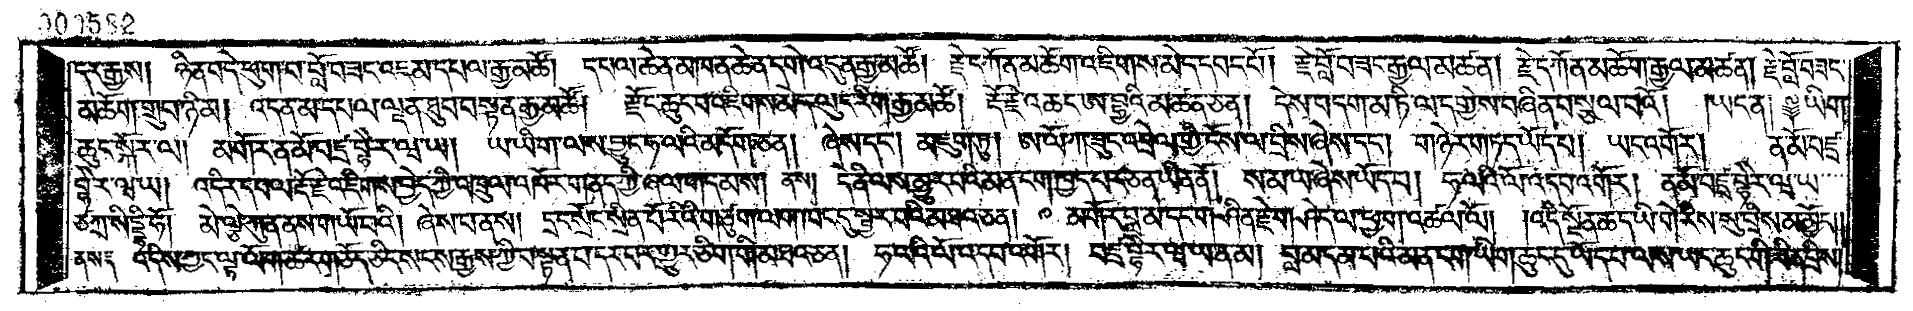དར་རྒྱས། ཉིན་བདེ་བུག་བ་བློ་བཟང་འཇམ་དཔལ་རྒྱ་མཚོ། དཔལ་ཆེན་མཁན་ཆེན་དགེ་འདུན་རྒྱ་མཚོ། རྗེ་དཀོན་མཆོག་འཇིགས་མེད་དབང་པོ། རྗེ་བློ་བཟང་རྒྱལ་མཚན། རྗེ་དཀོན་མཆོག་རྒྱལ་མཚན། རྗེ་བློ་བཟང་
མཆོག་གྲུབ་ཉི་མ། འདན་མ་དཔལ་ལྡན་ཐུབ་བསྟན་རྒྱ་མཚོ། རྫོང་ཆུང་བ་འཇིགས་མེད་ལུང་རིག་རྒྱ་མཚོ། རྡོ་རྗེ་འཆང་ཨ་བྷྱའི་མཚན་ཅན། དེས་བདག་མ་ཏི་ལ་དགྱེས་བཞིན་བསྩལ་བའོ། །ཡང་ན། ༈ ཡིག་
ཆུང་སྐོར་ལ། མགོར་ན་མོ་བཛྲ་བྷཻ་ར་ཝ་ཡ། ཡ་ཡིག་ལས་བྱུང་ཧ་ལའི་མདོག་ཅན། ཞེས་དང་། མཇུག་ཏུ། ཨ་ལོ་ཀ་ཟུང་འབྲེལ་གྱི་ངོས་ལ་བྲིས་ཞེས་དང་། གཉེར་གཏད་ཡོད་པ། ཡང་འགོར། ན་མོ་བཛྲ་
བྷཻ་ར་ཝ་ཡ། འདིར་དཔལ་རྡོ་རྗེའི་འཇིགས་བྱེད་ཀྱི་འཁྲུལ་འཁོར་གནད་ཀྱི་ཞལ་གདམས། ནས།  དེ་ནི་ལས་མྱུར་བའི་མན་ངག་ཁྱད་པར་ཅན་ཡིན་ནོ། ས་མ་ཡ་ཞེས་ཡོད་པ། ཧ་ལའི་ལོ་འདབ་འགོར། ན་མོ་བཛྲ་བྷཻ་རེ་ཝ་ཡ་
ཙཀྲ་སིདྡྷི་ཧོ། མེ་ལྕེ་ཀུན་ནས་གཡོ་བའི། ཞེས་པ་ནས། དྲང་སྲོང་སྲིན་པོ་རིའི་གཙུག་ལག་ཁང་དུ་སྦྱར་བའི་མཐའ་ཅན། ༧་མགོར་བླ་མ་དང་གཤིན་རྗེ་གཤེད་ལ་ཕྱག་འཚལ་ལོ། །འདི་སྔོན་ཆད་ཡི་གེ་རིས་སུ་བྲིས་མ་མྱོང་། །
ནས༑  འདིས་ཀྱང་ལྟ་ལོག་ཚར་གཅོད་ཅིང་སངས་རྒྱས་ཀྱི་བསྟན་པ་དར་པར་གྱུར་ཅིག་གི་མཐའ་ཅན། ཧ་ལའི་ལོ་འདབ་འགོར། བཛྲ་བྷཻ་རེ་ཝ་ཡ་ནམ། བླ་མ་དམ་པའི་མན་ངག་ཡིག་ཆུང་དུ་ཡོད་པ་ལས་ཡང་ཆུང་གི་ཟིན་བྲིས་